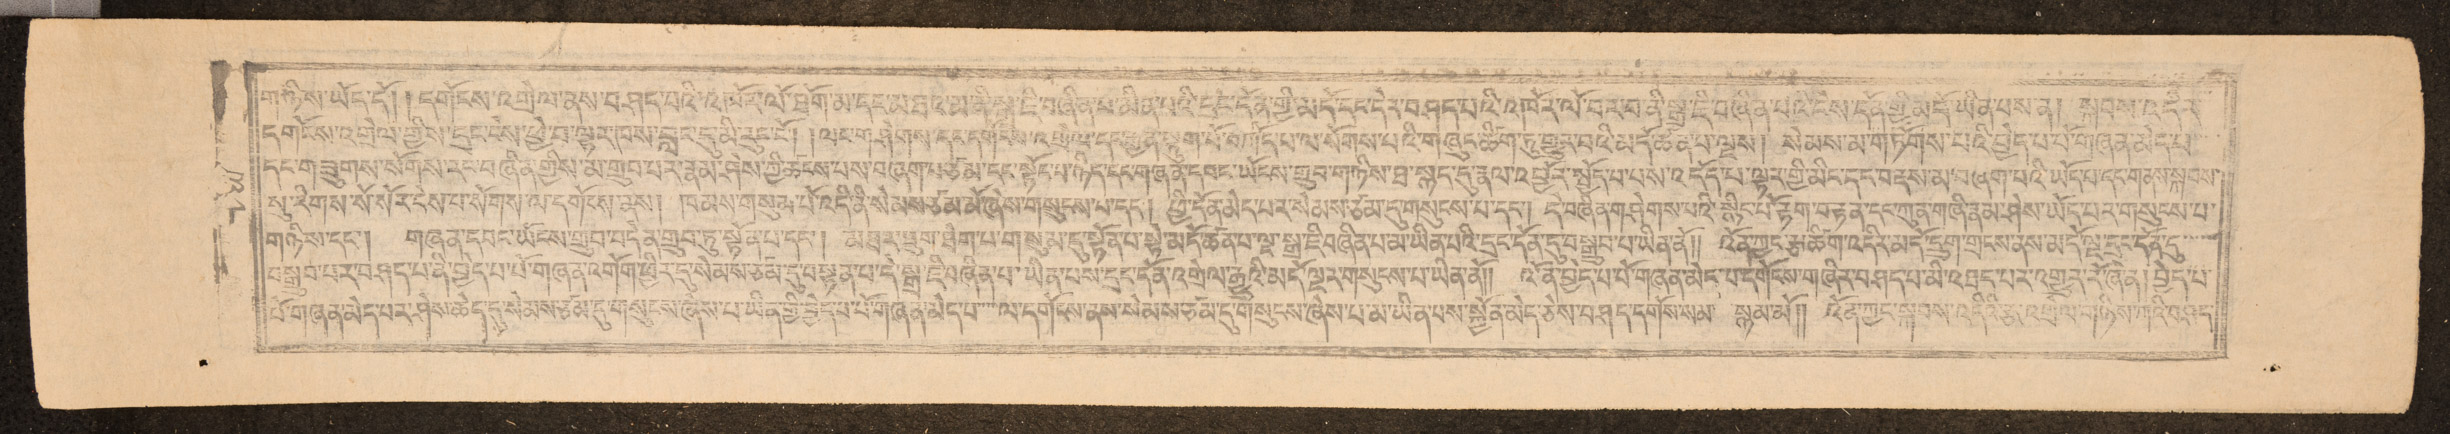ནས་གྲུབ་པ་ཙམ་ཡིན་པའི་ཕྱིར་གཟུགས་སོགས་ཕྱི་ནང་གི་ཆོས་ཀུན་ཚུགས་ཐུབ་དང་རང་ངོས་ནས་གྲུབ་པ་རྣམས་མིན་ནོ་ཞེས་པ་ནི། བསྒྲུབ་བྱའི་ཆོས་ཀྱི་དོན་ཡིད་ལ་བྱེད་པ་དེར་ཟབ་པའི་ཉམས་ལེན་དང་གཏན་ཚིགས་ཀྱི་དོན་ཡིད་ལ་བྱེད་པ་དེར་རྒྱ་ཆེ་བའི་ཉམས་ལེན་
ཚང་ཞིང་། རིམ་བཞིན་རྟག་པ་དང་ཆད་པའི་མཐའ་གཉིས་སེལ་པའི་ཕྱིར་འདི་ནི་རིགས་པའི་རྒྱལ་པོ་ཡིན་ནོ།། དེའི་ཕྱིར་སྟག་ཚང་བས་དོན་དམ་དང་ཚད་གྲུབ་དང་ཚུགས་ཐུབ་དོན་གཅིག་ཏུ་འདོད་པ་ནི་ནམ་མཁའ་ཟ་བར་འདོད་པ་དང་འདྲ་སྟེ། གྲུབ་མཐའ་བ་སུས་
ཀྱང་ཚད་གྲུབ་དང་ཚུགས་ཐུབ་དོན་གཅིག་ཏུ་མ་བྱས་པའི་ཕྱིར་རོ།། གདགས་གཞི་ཕུང་པོ་ལ་བཏགས་པ་ཙམ་མ་གཏོགས་པ་རང་དབང་བའི་བདག་ནི་མེད་པ་ཡིན་ཏེ། གདགས་གཞི་ཕུང་པོ་རྣམ་གང་ཟག་མིན་ཞིང་། གང་ཟག་དེ་གདགས་གཞི་ཕུང་པོ་ལས་
ངོ་བོ་གཞན་པ་མིན་ལ། གང་ཟག་དེ་གདགས་གཞི་ཕུང་པོའི་རྟེན་མིན་ཞིང་། གང་ཟག་དེ་དོན་དམ་པར་གདགས་གཞི་ཕུང་པོར་བརྟེན་པའང་མིན་ལ། གང་ཟག་དེ་དོན་དམ་པར་ཕུང་པོ་དང་མི་ལྡན་པ་དང་། གདགས་གཞི་ཕུང་པོའི་དབྱིབས་གང་ཟག་མིན་
ཞིང༑ གདགས་གཞི་ཕུང་པོའི་ཚོགས་པ་གང་ཟག་མིན་པའི་ཕྱིར། དཔེར་ན་ཤིང་རྟ་སྔར་ལྟར་བཙལ་ན་རང་དབང་བའི་ཤིང་རྟ་རྙེད་རྒྱུ་མེད་པ་བཞིན་ཡིན་ཏེ། རྣམ་བདུན་གྱི་དཔྱད་པ་འདི་བུམ་པ་དང་སྣམ་བུ་དང་རེ་ལྡེ་དང་དམག་དང་ནགས་ཚལ་ལ་སོགས་
པའི་ཆོས་རྣམས་ཀུན་བདེན་མེད་དུ་གཏན་ལ་འབེབས་པ་ལ་སྦྱར་བར་འཇུག་པ་རྩ་འགྲེལ་ནས་གསུངས་སོ།། ཐལ་འགྱུར་པ་ནང་ཕན་ཚུན་ཟབ་རྒྱས་ཀྱི་དོན་འགའ་ཞིག་ལ་བརྒལ་བརྟགས་བྱེད་པའི་སྐབས་འགར་རྒོལ་བ་གཉིས་ཀ་ལ་ཚུལ་གསུམ་མཐུན་
སྣང་བར་ཚད་མས་གྲུབ་པ་དང་རྟགས་མཐུན་སྣང་བ་ཙམ་ཡོད་པར་བཞེད་ཀྱང་། རང་དབང་བའི་ཚད་མས་གྲུབ་པར་འདོད་པ་མིན་པའི་ཕྱིར་རང་། །རྒྱུད་ཀྱི་སྦྱོར་པ་མི་འདོད་པས་ན། སྟག་ལོས་ལུགས་འདིར་རང་རྒྱུད་ཐ་སྙད་དུ་ཡོད་པར་འདོད་པ་ནི་འཁྲུལ་